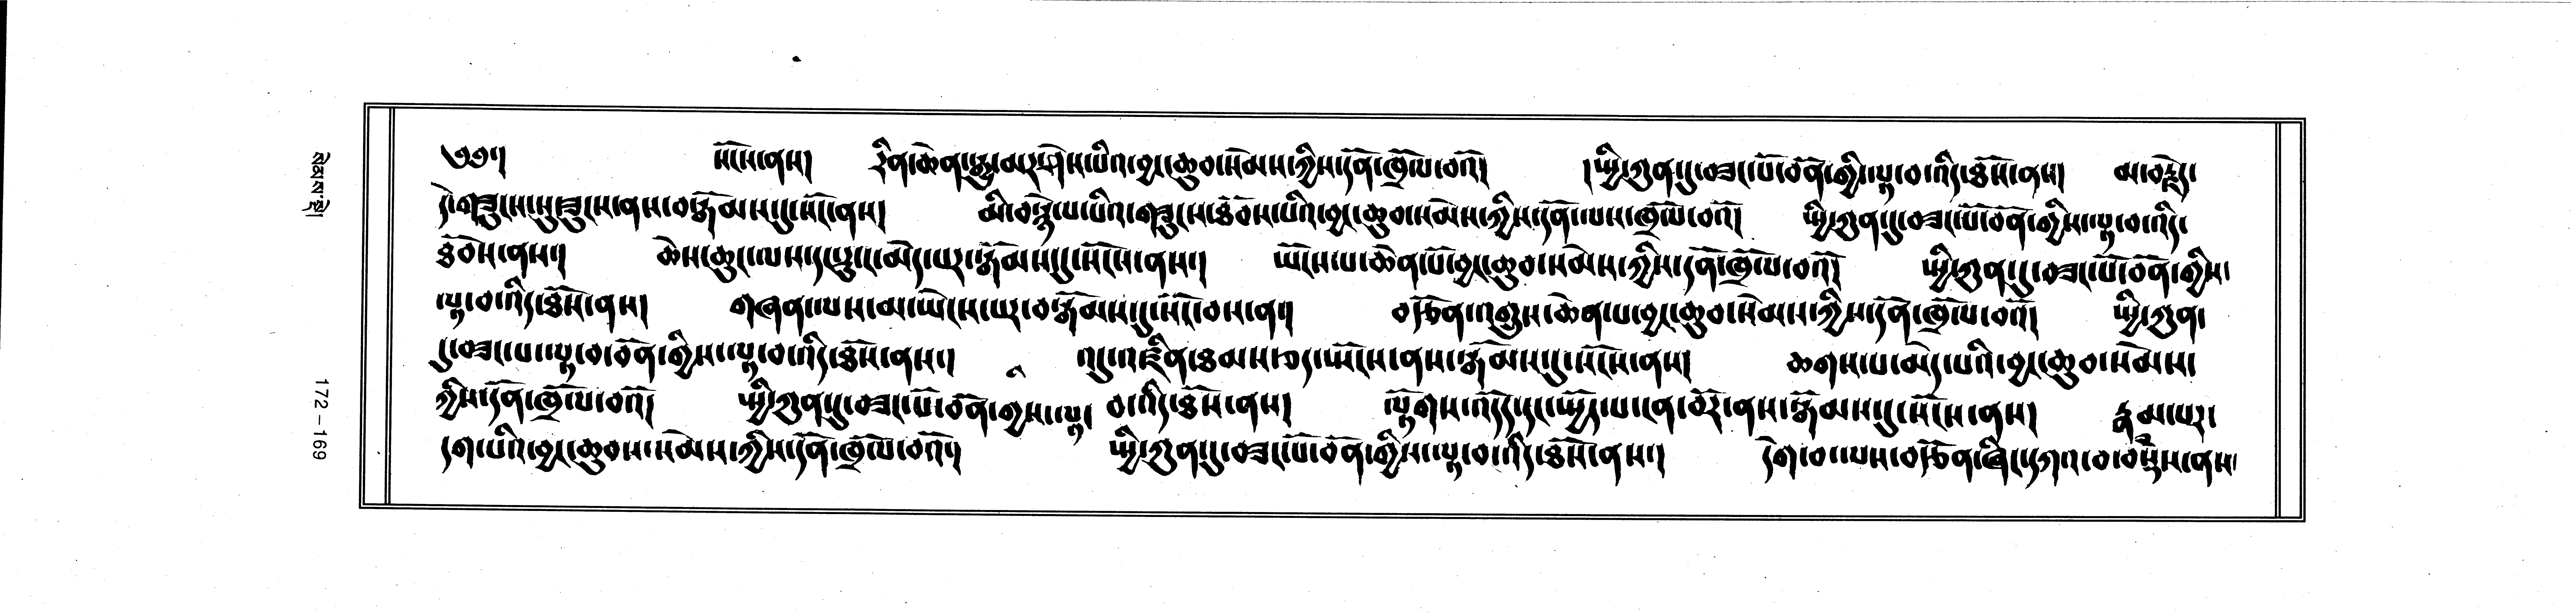ཤེས་པའི་བྱང་ཆུབ་སེམས་ཀྱིས་དོན་ཁྲོལ་པའོ། སྤྱི་ཀུན་ཏུ་བཟང་པོ་བོན་གྱི་ལྟ་བ་འདི་ཐོས་ནས། མ་བརྗེད་
དེ་གཟུངས་སུ་ཟུངས་ནས་བསྒོམས་དུ་སོང་ནས། མི་བསྙེལ་པའི་གཟུངས་ཐོབས་པའི་བྱང་ཆུབ་སེམས་ཀྱིས་དོན་ལས་ཁྲོལ་བའོ། སྤྱི་ཀུན་ཏུ་བཟང་པོ་བོན་གྱིས་ལྟ་བ་འདི་
ཐོབ་ནས། ཆེས་ཆུང་ལས་དང་རུ་ང་མེད་པར་སྒོམས་དུ་སོངས་ནས། ཡོངས་པ་ཆེན་པོ་བྱང་ཆུབ་སེམས་ཀྱིས་དོན་ཁྲོལ་བའོ། སྤྱི་ཀུན་ཏུ་བཟང་པོ་བོན་གྱིས་
ལྟ་བ་འདི་ཐོས་ནས། གཞན་ལས་མ་ཡེངས་པར་བསྒོམས་དུ་སོང་བས་ན། བརྩོན་འགྲུས་ཆེན་པ་བྱང་ཆུབ་སེམས་ཀྱིས་དོན་ཁྲོལ་བའོ། སྤྱི་ཀུན་
ཏུ་བཟང་པོ་ལྟ་བ་བོན་གྱིས་ལྟ་བ་འདི་ཐོས་ནས། འདུ་འཛིན་ཐམས་ཅད་སྤོངས་ནས་སྒོམས་དུ་སོངས་ནས། ཆགས་པ་མེད་པའི་བྱང་ཆུབ་སེམས་
ཀྱིས་དོན་ཁྲོལ་བའོ། སྤྱི་ཀུན་ཏུ་བཟང་པོ་བོན་གྱིས་ལྟ་བ་འདི་ཐོས་ནས། ལྟོགས་འདོད་དང་སྤྱོད་པ་ངན་བོར་ནས་སྒོམས་དུ་སོངས་ནས། རྣམ་པར་
དག་པའི་བྱང་ཆུབ་སེམས་ཀྱིས་དོན་ཁྲོལ་བའོ། སྤྱི་ཀུན་ཏུ་བཟང་པོ་བོན་གྱིས་ལྟ་བ་འདི་ཐོས་ནས། དགེ་བ་ལས་བརྩོན་ཞིང་དཀའ་བ་བསྡོམས་ནས་